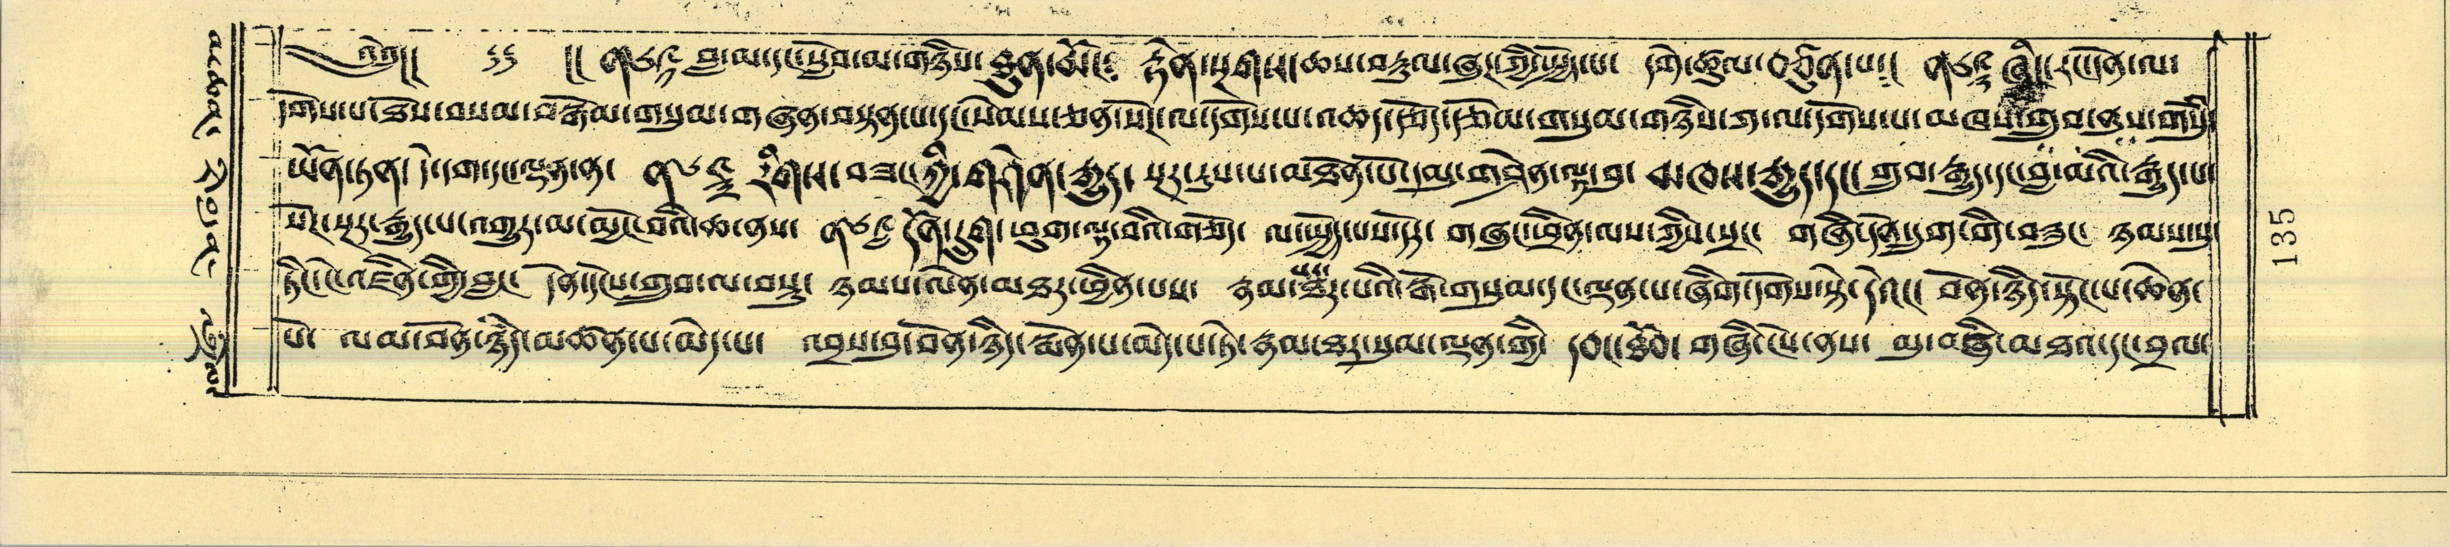ན་ ༦༩།༡ བླ་མ་དང་སློབ་མ་གཉིས་༼ཐུན་མོང༽༼རྟེན་སྔགས༽ཆས་རྟུལ་ཞུགས་ཀྱི་སྤྱོད་པ་དགེ་ཚུལ་༼བཙུན་པ༽ན༦༩།༢༼ཞིང༽རང་དོན་ལ་
དགོས་པ་ཐོས་བསམ་སྒོམ་གསུམ་གཞན་བསྟན་པ་དང་སེམས་ཅན་སོགས་ལ་དགོས་པ་འཆད་རྩོད་རྩོམ་གསུམ་གཉིས་ཀ་ལ་དགོས་པ་མཁས་གྲུབ་ནུས་གསུམ་
༼ཡོན་ཏན༽དེ་དག་དང་ལྡན་ན་ན༦༩།༣༼རིགས༽བཟང་༼ཀྱི་གཤེན་རྒྱུད༽སྔར་རུས་པ་མཐོན་པོ་དམུ་གཤེན་ལྟ་བུ་༼མཁས་རྒྱུད་དང༽སྒྲུབ་རྒྱུད་དང་བླ་མའི་རྒྱུད་
སོགས་སྔར་རྒྱུད་པ་འགྱུར་མ་མྱོང་བའི་ཆ་ནས་ན༦༩།༤༼དོན་དྲུག༽ཕུག་ལྟ་བའི་གཅོད་ལ་སྤྱོད་པས་དོར་གཞུང་འཕྲིན་ལས་ཀྱསི་བསྲང་གཞི་དོན་དྲུག་གིས་བཟུང་། ཉམས་སུ་
ཏིང་ངེ་འཛིན་གྱིས་བླང་དོན་དངོས་གྲུབ་ལ་བསྡུ་ཉམས་ལེན་མཐར་ཕྱིན་པས་རྣམ་པར་ཐར་པའི་སྒོ་གསུམ་དང་ལྡན་པ་ཞིག་དགོས་ཏེ།༼དེའང༽བོན་ཉིད་སྟོང་པ་ཆེན་
པོ། ལམ་བོན་ཉིད་མཚན་མ་མེད་པ་འབྲས་བུ་བོན་ཉིད་སྨོན་པ་མེད་པ་སྟེ་རྣམ་ཐར་གསུམ་ལྡན་གྱི་༼དབང་ཐོབ༽གཞི་ངོས་ནས་མུ་བཞི་མཐའ་དང་བྲལ་